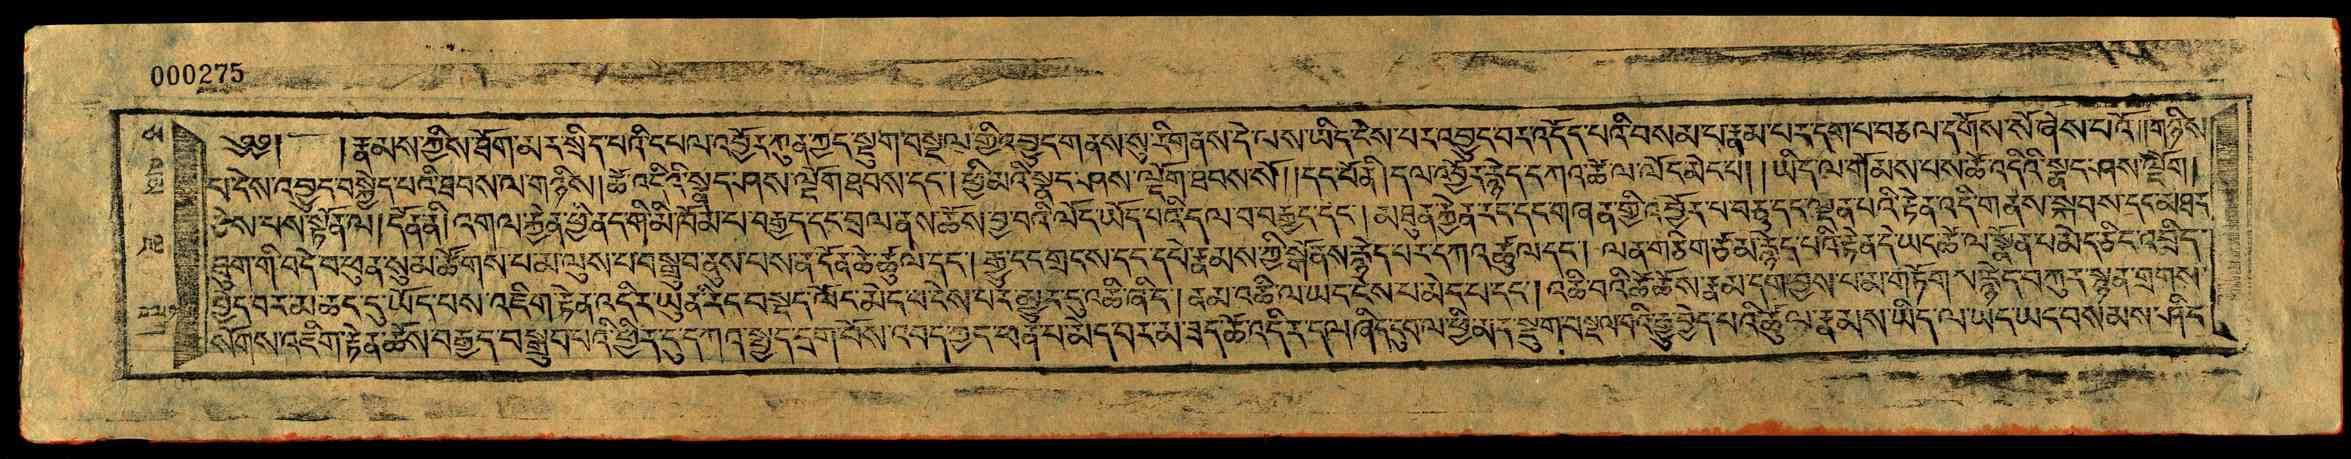༄༅། །རྣམས་ཀྱིས་ཐོག་མར་སྲིད་པའི་དཔལ་འབྱོར་ཀུན་ཀྱང་སྡུག་བསྔལ་གྱི་འབྱུང་གནས་སུ་རིག་ནས་དེ་ལས་ཡིད་ངེས་པར་འབྱུང་བར་འདོད་པའི་བསམ་པ་རྣམ་པར་དག་པ་བཙལ་དགོས་སོ་ཞེས་པའོ། །གཉིས་
པ་ངེས་འབྱུང་བསྐྱེད་པའི་ཐབས་ལ་གཉིས། ཚེ་འདིའི་སྣང་ཤས་ལྡོག་ཐབས་དང་། ཕྱི་མའི་སྣང་ཤས་ལྡོག་ཐབས་སོ། །དང་པོ་ནི། དལ་འབྱོར་རྙེད་དཀའ་ཚེ་ལ་ལོང་མེད་པ། །ཡིད་ལ་གོམས་པས་ཚེ་འདིའི་སྣང་ཤས་ལྡོག།
ཅེས་པས་སྟོན་ལ། དོན་ནི། འགལ་རྐྱེན་ཕྱི་ནང་གི་མི་ཁོམ་པ་བརྒྱད་དང་བྲལ་ནས་ཆོས་བྱ་བའི་ལོང་ཡོད་པའི་དལ་བ་བརྒྱད་དང་། མཐུན་རྐྱེན་རང་དང་གཞན་གྱི་འབྱོར་པ་བཅུ་དང་ལྡན་པའི་རྟེན་འདི་གནས་སྐབས་དང་མཐར་
ཐུག་གི་བདེ་བ་ཕུན་སུམ་ཚོགས་པ་མ་ལུས་པ་བསྒྲུབ་ནས་པས་ན་དོན་ཆེ་ཚུལ་དང་། རྒྱུ་དང་གྲངས་དང་དཔེ་རྣམས་ཀྱི་སྒོ་ནས་རྙེད་པར་དཀའ་ཚུལ་དང་། ལན་གཅིག་ཙམ་རྙེད་པའི་རྟེན་དེ་ཡང་ཚེ་ལ་སྣོན་པ་མེད་ཅིང་འབྲིང་
བྱེད་བར་མ་ཆད་དུ་ཡོད་པས་འཇིག་རྟེན་འདིར་ཡུན་རིང་བསྡང་ལོང་མེད་པ་ངེས་པར་མྱུར་དུ་འཆི་ཞིང་། ནམ་འཆི་ལ་ཡང་ངེས་པ་མེད་པ་དང་། འཆི་བའི་ཚེ་ཆོས་རྣམ་དག་བྱས་པ་མ་གཏོགས་རྙེད་བཀུར་སྙན་གྲགས་
སོགས་འཇིག་རྟེན་ཆོས་བརྒྱད་བསྒྲུབ་པའི་ཕྱིར་དུ་དཀའ་སྤྱད་དྲག་པོས་འབད་ཀྱང་ཕན་པ་མེད་པར་མ་ཟད་ཚེ་འདིར་ངལ་ཞིང་དུ་བ་ལ་ཕྱི་མར་སྡུག་བསྔལ་བའི་རྒྱུ་བྱེད་པའི་ཚུལ་རྣམས་ཡིད་ལ་ཡང་ཡང་བསམས་ཤིང་